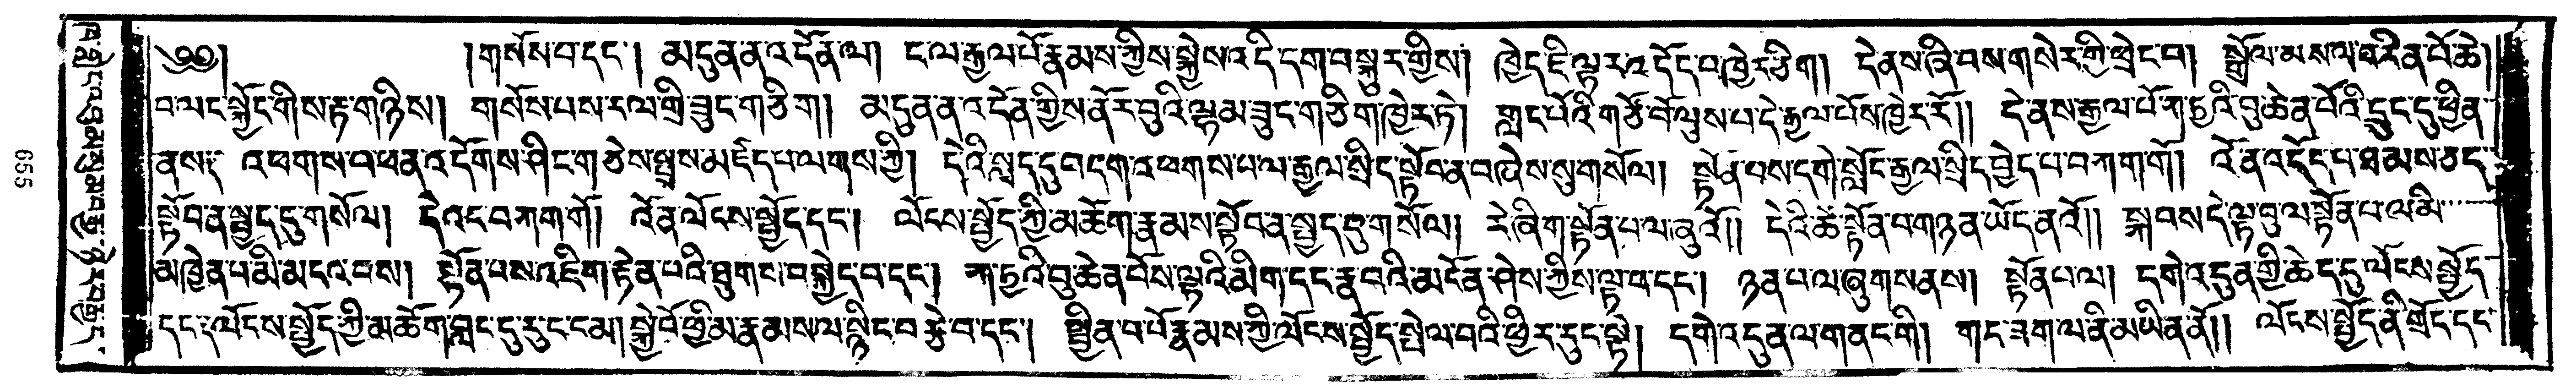༄༅། །གསོས་བ་དང་། མདུན་ན་འདོན་ལ། ང་ལ་རྒྱལ་པོ་རྣམས་ཀྱིས་སྐྱེས་འདི་དག་བསྐུར་གྱིས། ཁྱེད་ཇི་ལྟར་འདོད་བ་ཁྱེར་ཅིག། དེ་ནས་ཞི་བས་གསེར་གྱི་ཕྲེང་བ། སྒྲོལ་མས་ལ་བ་རིན་པོ་ཆེ།
བ་ལང་སྐྱོང་གིས་རྟ་གཉིས། གསོས་པས་རལ་གྲི་ཟུང་གཅིག། མདུན་ན་འདོན་གྱིས་ནོར་བུའི་ལྷམ་ཟུང་གཅིག་ཁྱེར་ཏེ། གླང་པོའི་གཙོ་བོ་ལུས་པ་དེ་རྒྱལ་པོས་ཁྱེར་རོ།། དེ་ནས་རྒྱལ་པོ་ཀ་ཏྱའི་བུ་ཆེན་པོའི་དྲུང་དུ་ཕྱིན་
ནས༑ འཕགས་འཕན་འདོགས་ཤིང་གཅེས་སྤྲས་མཛད་པ་ལགས་ཀྱི། དེའི་སླད་དུ་བདག་འཕགས་པ་ལ་རྒྱལ་སྲིད་སྟོབ་ན་བཞེས་སུ་གསོལ། སྟོན་བས་དགེ་སློང་རྒྱལ་སྲིད་བྱེད་པ་བཀག་གོ། འོ་ན་འདོད་པ་ཐམས་ཅད་
སྟོབ་ན་སྦྱད་དུ་གསོལ། དེའང་བཀག་གོ། འོ་ན་ལོངས་སྤྱོད་དང་། ལོངས་སྤྱོད་ཀྱི་མཆོག་རྣམས་སྟོབ་ན་སྤྱད་དུ་གསོལ། རེ་ཞིག་སྟོན་པ་ལ་ཞུའོ།། དེའི་ཚེ་སྟོན་པ་གཉན་ཡོད་ནའོ།། སྐབས་དེ་ལྟ་བུ་ལ་སྟོན་པ་ལ་མི་
མཁྱེན་པ་མི་མངའ་བས། སྟོན་པས་འཇིག་རྟེན་པའི་ཐུགས་བསྐྱེད་པ་དང་། ཀ་ཏྱའི་བུ་ཆེན་པོས་ལྟའི་མིག་དང་རྣ་བའི་མངོན་ཤེས་ཀྱིས་ལྟ་བ་དང་། ཉན་པ་ལ་ཞུགས་ནས། སྟོན་པ་ལ། དགེ་འདུན་གྱི་ཆེད་དུ་ལོངས་སྤྱོད་
དང༑ ལོངས་སྤྱོད་ཀྱི་མཆོག་བླང་དུ་རུ་ང་ངམ། སྐྱེ་བོ་ཕྱི་མ་རྣམས་ལ་སྙིང་བརྩེ་བ་དང་། སྦྱིན་པ་པོ་རྣམས་ཀྱི་ལོངས་སྤྱོད་སྤེལ་བའི་ཕྱིར་རུང་སྟེ། དགེ་འདུན་ལ་གནང་གི། གང་ཟག་ལ་ནི་མ་ཡིན་ནོ།། ལོངས་སྤྱོད་ནི་གྲོང་དང་